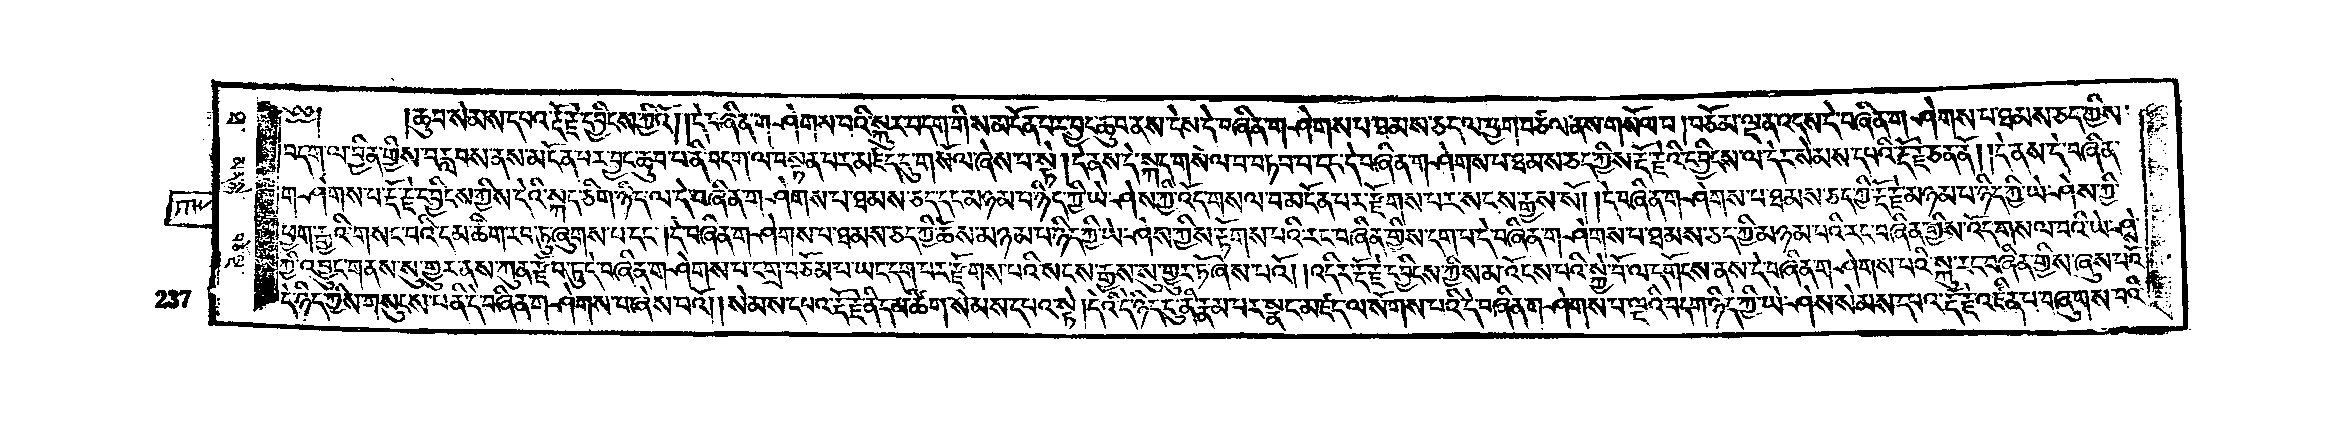༄༅། །ཆུབ་སེམས་དཔའ་རྡོ་རྗེ་དབྱིངས་ཀྱིའོ། །དེ་བཞིན་གཤེགས་པའི་སྐུར་བདག་གིས་མངོན་པར་བྱང་ཆུབ་ནས་ངེས་དེ་བཞིན་གཤེགས་པ་ཐམས་ཅད་ལ་ཕྱག་བཙལ་ནས་གསོལ་བ། བཅོམ་ལྡན་འདས་དེ་བཞིན་གཤེགས་པ་ཐམས་ཅད་ཀྱིས་
བདག་ལ་བྱིན་གྱིས་བརླབས་ནས་མངོན་པར་བྱང་ཆུབ་པ་ནི་བདག་ལ་བསྟན་པར་མཛད་དུ་གསོལ་ཞེས་པ་སྟེ། དེ་ནས་དེ་སྐད་གསོལ་བ་བཏབ་པ་དང་དེ་བཞིན་གཤེགས་པ་ཐམས་ཅད་ཀྱིས་རྡོ་རྗེའི་དབྱིངས་ལ་དེར་སེམས་དཔའི་རྡོ་རྗེ་ཅན་ནོ། །དེ་ནས་དེ་བཞིན་
གཤེགས་པ་རྡོ་རྗེ་དབྱིངས་ཀྱིས་དེའི་སྐད་ཅིག་ཉིད་ལ་དེ་བཞིན་གཤེགས་པ་ཐམས་ཅད་དང་མཉམ་པ་ཉིད་ཀྱི་ཡེ་ཤེས་ཀྱི་འོད་གསལ་བ་མངོན་པར་རྫོགས་པར་སངས་རྒྱས་སོ། །དེ་བཞིན་གཤེགས་པ་ཐམས་ཅད་ཀྱི་རྡོ་རྗེ་མཉམ་པ་ཉིད་ཀྱི་ཡེ་ཤེས་ཀྱི་
ཕྱག་རྒྱའི་གསང་བའི་དམ་ཚིག་རབ་ཏུ་ཞུགས་པ་དང་། དེ་བཞིན་གཤེགས་པ་ཐམས་ཅད་ཀྱི་ཆོས་མཉམ་པ་ཉིད་ཀྱི་ཡེ་ཤེས་ཀྱིས་རྟོགས་པའི་རང་བཞིན་གྱིས་དག་པ་དེ་བཞིན་གཤེགས་པ་ཐམས་ཅད་ཀྱི་མཉམ་པའི་རང་བཞིན་གྱིས་འོད་གསལ་བའི་ཡེ་ཤེས་
ཀྱི་འབྱུང་གནས་སུ་གྱུར་ནས་ཀུན་རྫོབ་ཏུ་དེ་བཞིན་གཤེགས་པ་དགྲ་བཅོམ་པ་ཡང་དག་པར་རྫོགས་པའི་སངས་རྒྱས་སུ་གྱུར་ཏོ་ཞེས་པའོ། །འདིར་རྡོ་རྗེ་དབྱིངས་ཀྱིས་མ་འོངས་པའི་སྐྱེ་བོ་ལ་དགོངས་ནས་དེ་བཞིན་གཤེགས་པའི་སྐུ་རང་བཞིན་གྱིས་ཞུས་པའོ་
དེ་ཉིད་ཀྱིས་གསུངས་པ་ནི་དེ་བཞིན་གཤེགས་པ་ཞེས་པའོ། །སེམས་དཔའ་རྡོ་རྗེ་ནི་དམ་ཚིག་སེམས་དཔའ་སྟེ། དེའི་དེ་ཉིད་དུ་ནི་རྣམ་པར་སྣང་མཛད་ལ་སོགས་པའི་དེ་བཞིན་གཤེགས་པ་ལྔའི་བདག་ཉིད་ཀྱི་ཡེ་ཤེས་སེམས་དཔའ་རྡོ་རྗེ་འཛིན་པ་བཞུགས་པའི་